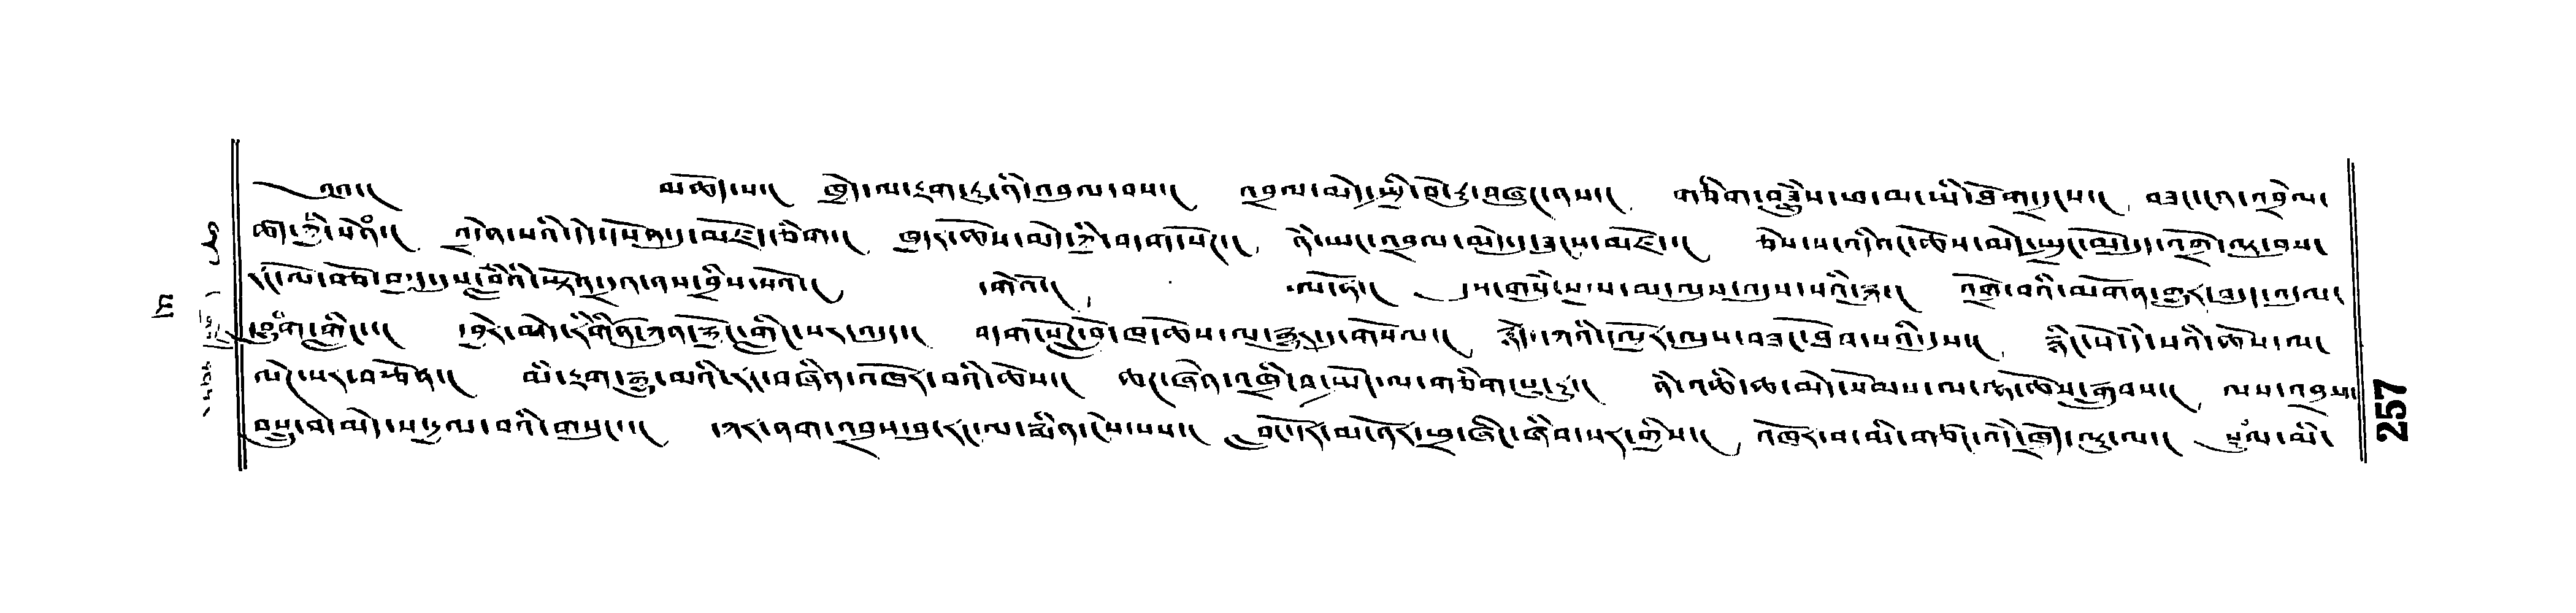མཆོད་པ། ཁྱེད་ལ་རྟག་ཏུ་ནི་འབུལ་བས། །འབྲལ་མེད་སྤྱི་བོ་རུ་བཞུགས་ནས། །གཅིག་བཟླུམས་ཕ་མ་ཡི་ཐོག་དྲངས། །བཟང་ངན་འབྲེལ་
ཚད་ཀྱི་སེམས་ཅན། །འདྲེན་པའི་དེད་དཔོན་དུ་མཛོད་ཅིག ཁྱད་པར་ཆོས་མེད་ཀྱི་བདག་སོགས། ནམ་ཡང་འབྲལ་མེད་དུ་ཟུངས་མཛོད། ཅེས་པ་འདིའང་ཆོས་མེད་སྤྲང་མོ་དུད་འགྲོ་ལྟ་བུས་
རང་ལོ་བཅོ་བརྒྱད་དུས་བླ་མའི་ཡོན་ཏན་དྲན་ནས་བྲིས་པའོ།། དགེའོ།། ཨ་ཧོ། དུས་གསུམ་སངས་རྒྱས་མ་ལུས་འདུས་པའི་སྐུ། །འགྲོ་བའི་མགོན་གྱུར་བདུད་འདུལ་
དབང་ཕྱུག་གླིང་། །དབྱེར་མེད་རིག་འཛིན་ཀུན་སྐྱོང་གླིང་པར་འདུད། །བདག་སོགས་བློ་ཁ་ཆོས་ལ་བསྒྱུར་དུ་གསོལ། །རྙེད་དཀའི་དལ་འབྱོར་ལུས་བཟང་ཐོབ་པའི་དུས། །སྙིང་པོ་དམ་པའི་ཆོས་ལ་
ལེགས་པར་བརྩོན། །མི་རྟག་སྒྱུ་མའི་རང་བཞིན་འཁོར་བའི་ཆོས། །ཆགས་ཞེན་འཁྲི་བ་སྤོངས་ལ་གཅིག་པུ་རུ། །ནམ་འཆི་ཆ་མེད་སོམས་ལ་ལྷ་ཆོས་སྒྲུབས། །ལས་འབྲས་
བསླུ་བ་མེད་པ་རྒྱལ་བའི་གསུང་། །དཀར་ནག་འབྲས་བུ་རང་ལ་སྨིན་ངེས་པས། །བླང་དོར་མ་ནོར་ཕྲ་ཞིང་ཞིབ་པར་གྱིས། །འཁོར་བ་མི་གཙང་འདམ་ཁྲོད་ལྟ་བུ་ལ། །སྡུག་བསྔལ་མི་